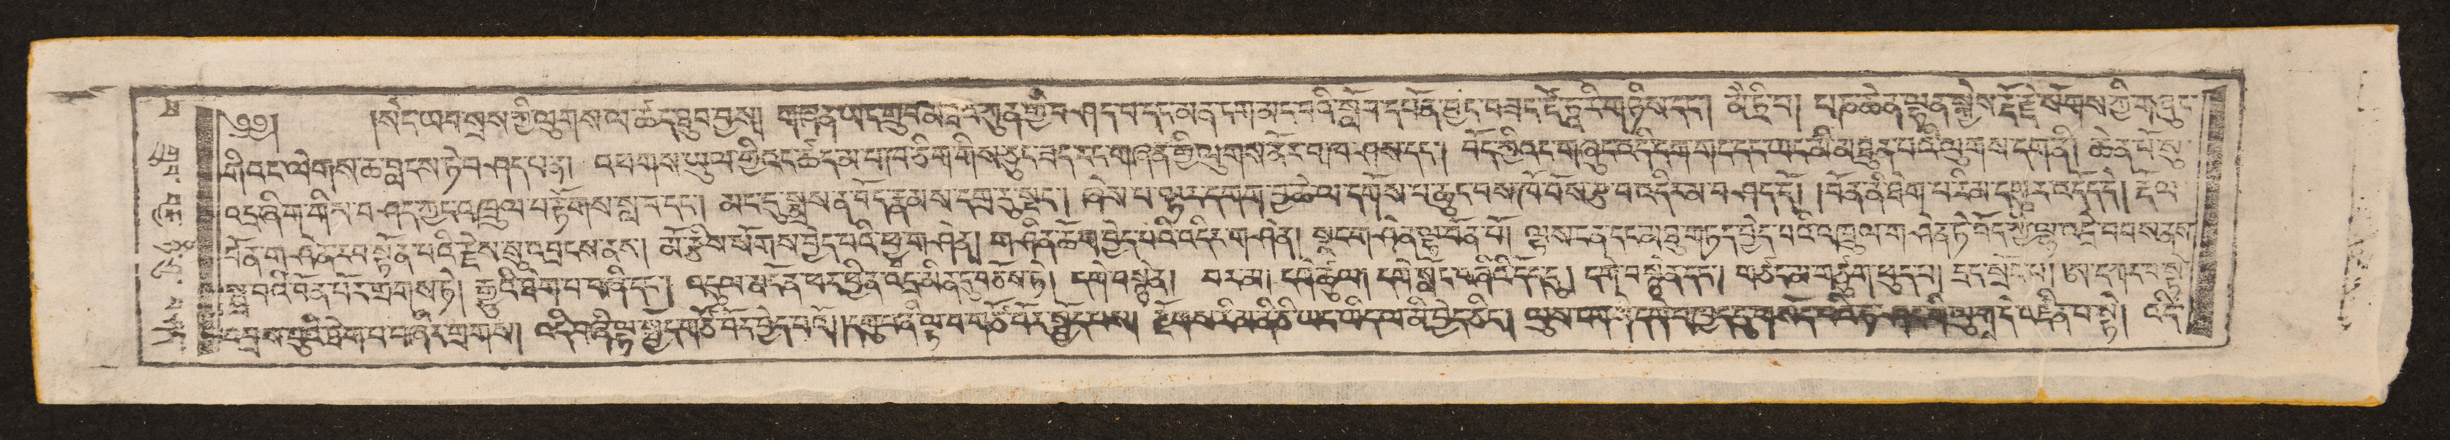༄༅། །སེང་ཡབ་སྲས་ཀྱི་ལུགས་ལ་ཚད་ཐུབ་བྱས། གཞན་ཡང་གྲུབ་མཐའ་ཀུན་གྱི་བཤད་པ་དང་མན་ངག་མང་པའི་སློབ་དཔོན་བྱང་བཟང་ཛེ་ཏཱ་རི་གཉིས་དང་། མཻ་ཏྲི་བ། པཎ་ཆེན་ལྷན་སྐྱེས་རྡོ་རྗེ་སོགས་ཀྱི་གཞུང་
གིའང་ལེགས་ཆ་བླངས་ཏེ་བཤད་པ་ན། འཕགས་ཡུལ་གྱིའང་ཚད་མ་པ་ཁ་ཅིག་གིས་ཅུང་ཟད་རང་གཞན་གྱི་ལུགས་ནོར་བ་ཁ་ཤས་དང་། པོད་ཀྱིའང་གཞུང་འདི་དག་གང་དང་ཡང་མི་མཐུན་པའི་ལུགས་དག་ནི། ཆེན་པོ་སུ་
འདྲ་ཞིག་གིས་བཤད་ཀྱང་འཁྲུལ་པ་རྟོགས་སླ་པ་དང་། མང་དུ་སྨྲས་ན་བོད་རྣམས་དགྲ་རུ་སྡང་། ཞེས་པ་ལྟར་དགག་བྱ་ཆེ་ལ་དགོས་པ་ཆུང་བས་ཁོ་བོས་རྩ་བ་འདིར་མ་བཤད་དོ། །བོན་ནི་ཐེག་པ་རིམ་དགུར་འདོད་དེ། རྡོལ་
བོན་གཤེན་རབ་སྟོན་བའི་རྗེས་སུ་འབྲངས་ནས། མོ་རྩིས་སོགས་བྱེད་པའི་ཕྱྭ་གཤེན། གཤིན་ཆོག་བྱེད་པའི་འདིར་གཤེན། སྣང་གཤེན་ལྟ་བོན་པོ། ལྟས་ངན་དང་མཐུ་གཏད་བྱེད་པའི་འཁྲུལ་གཤེན་ཏེ་བོད་ཀྱི་ལྷ་འདྲེ་བབས་ནས་
སྨྲ་བའི་བོན་པོར་གྲགས་ཏེ། རྒྱུའི་ཐེག་པ་བཞི་དང་། འདུལ་མངོན་ཕར་ཕྱིན་འདྲ་མིན་དུ་བཅོས་ཏེ། དགེ་བསྙེན། བར་མ། དགེ་ཚུལ། དགེ་སློང་བཞིའི་དོད་དུ། དགེ་བསྙེན་དང་། གཙང་མ་གཙུག་ཕུད་པ། དྲང་སྲོད་པ། ཨ་དཀར་བ་སྟེ་
འབྲས་བུའི་ཐེག་པ་བཞིར་གྲགས། འདི་བཞི་ལྟ་སྤྱོད་གཙོ་བོར་བྱེད་པའོ། །དགུ་པ་ནི་ལྟ་བ་གཙོ་བོར་སྤྱོད་པས། རྫོགས་རིམ་ནི་ཅི་ཡང་ཡིད་ལ་མི་བྱེད་ཅིང་། ལུས་ངག་གི་དགེ་བ་ཁྱད་དུ་གསོད་པའི་ཧ་ཤང་གི་ལུགས་དེ་འཛིན་པ་སྟེ། འདི་